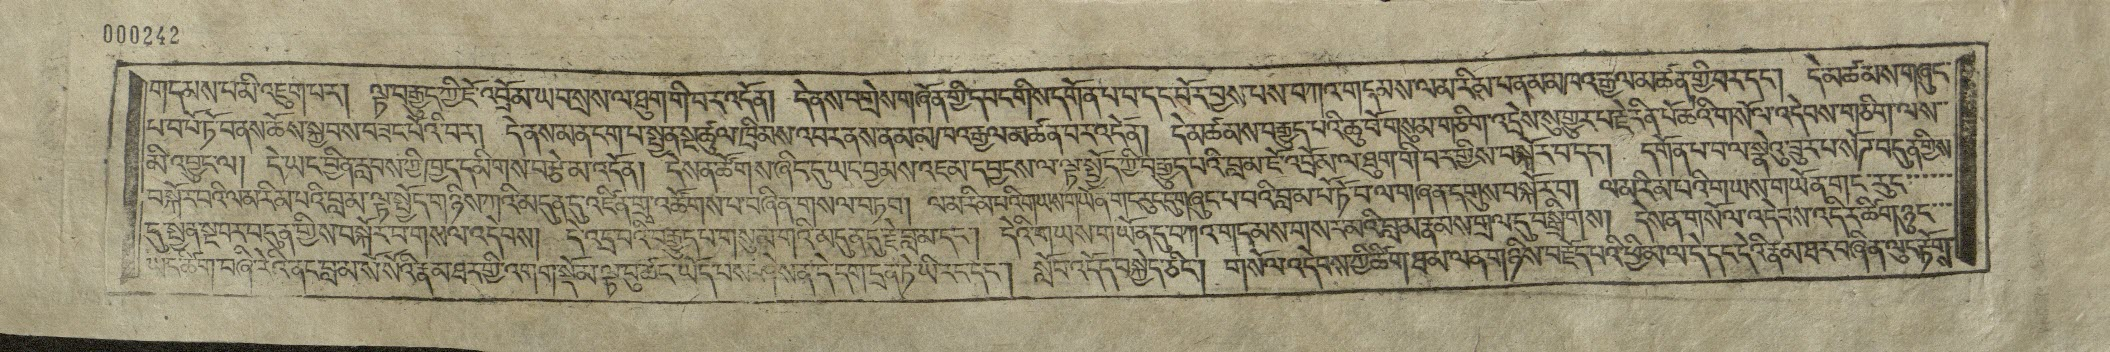གདམས་པ་མི་འཇུག་པར། ལྟ་བརྒྱུད་ཀྱི་ཇོ་འབྲོམ་ཡབ་སྲས་ལ་ཐུག་གི་བར་འདོན། དེ་ནས་བགྲེས་གཞོན་གྱི་དབང་གིས་དགོན་པ་བ་དང་པོར་བྱས་པས་བཀའ་གདམས་ལམ་རིམ་པ་ནམ་མཁའ་རྒྱལ་མཚན་གྱི་བར་དང་། དེ་མཚམས་གཞུང་
པ་བ་པོ་ཏོ་བ་ནས་ཆོས་སྐྱབས་བཟང་པོའི་བར། དེ་ནས་མན་ངག་པ་སྤྱན་སྔ་ཚུལ་ཁྲིམས་འབར་ནས་ནམ་མཁའ་རྒྱལ་མཚན་བར་འདོན། དེ་མཚམས་བརྒྱུད་པའི་ཆུ་བོ་གསུམ་གཅིག་འདྲེས་སུ་གྱུར་པ་རྗེ་རིན་པོ་ཆེའི་གསོལ་འདེབས་གཅིག་ལས་
མི་འབྱུང་ལ། དེ་ཡང་བྱིན་རླབས་ཀྱི་ཁྱད་དམིགས་བརྩེ་མ་འདོན། དེས་ན་ཚོགས་ཞིང་དུ་ཡང་བྱམས་འཇམ་དབྱངས་ལ་ལྟ་སྤྱོད་ཀྱི་བརྒྱུད་པའི་བླ་མ་ཇོ་འབྲོམ་ལ་ཐུག་གི་བར་གྱིས་བསྐོར་བ་དང་། དགོན་པ་བ་ལ་སྣེའུ་ཟུར་པ་སོགས་བདུན་གྱིས་
བསྐོར་བའི་ལམ་རིམ་པའི་བླ་མ་ལྟ་སྤྱོད་གཉིས་ཀའི་མདུན་དུ་འཛིན་གྲྭ་འཚོགས་པ་བཞིན་གསལ་བཏབ། ལམ་རིམ་པའི་གཡས་གཡོན་གང་རུང་དུ་གཞུང་པ་བའི་བླ་མ་པོ་ཏོ་བ་ལ་གཞན་དགུས་བསྐོར་བ། ལམ་རིམ་པའི་གཡས་གཡོན་གང་རུང་
དུ་སྤྱན་སྔ་བར་བདུན་གྱིས་བསྐོར་བ་གསལ་འདེབས། དེ་འདྲ་བའི་བརྒྱུད་པ་གསུམ་གའི་མདུན་དུ་རྗེ་བླ་མ་དང་། དེའི་གཡས་གཡོན་དུ་བཀའ་གདམས་གསར་མའི་བླ་མ་རྣམས་གྲལ་དུ་བསྒྲིགས། དེས་ན་གསོལ་འདེབས་འདིར་ཚིག་ཉུང་
ཡང་ཚིག་བཞི་རེའི་ནང་བླ་མ་སོ་སོའི་རྣམ་ཐར་གྱི་འགག་སྡོམ་ལྟ་བུ་ཚང་ཡོད་པས་ཤེས་ན་དེ་དག་དྲན་ཏེ་ཡི་རང་དང་། སློབ་འདོད་བསྐྱེད་ཅིང་། གསོལ་འདེབས་ཀྱི་ཚིག་ཐ་མ་ལན་གཉིས་བརྗོད་པའི་ཕྱི་མ་ལ་དེ་དང་དེའི་རྣམ་ཐར་བཞིན་ལུང་རྟོགས་